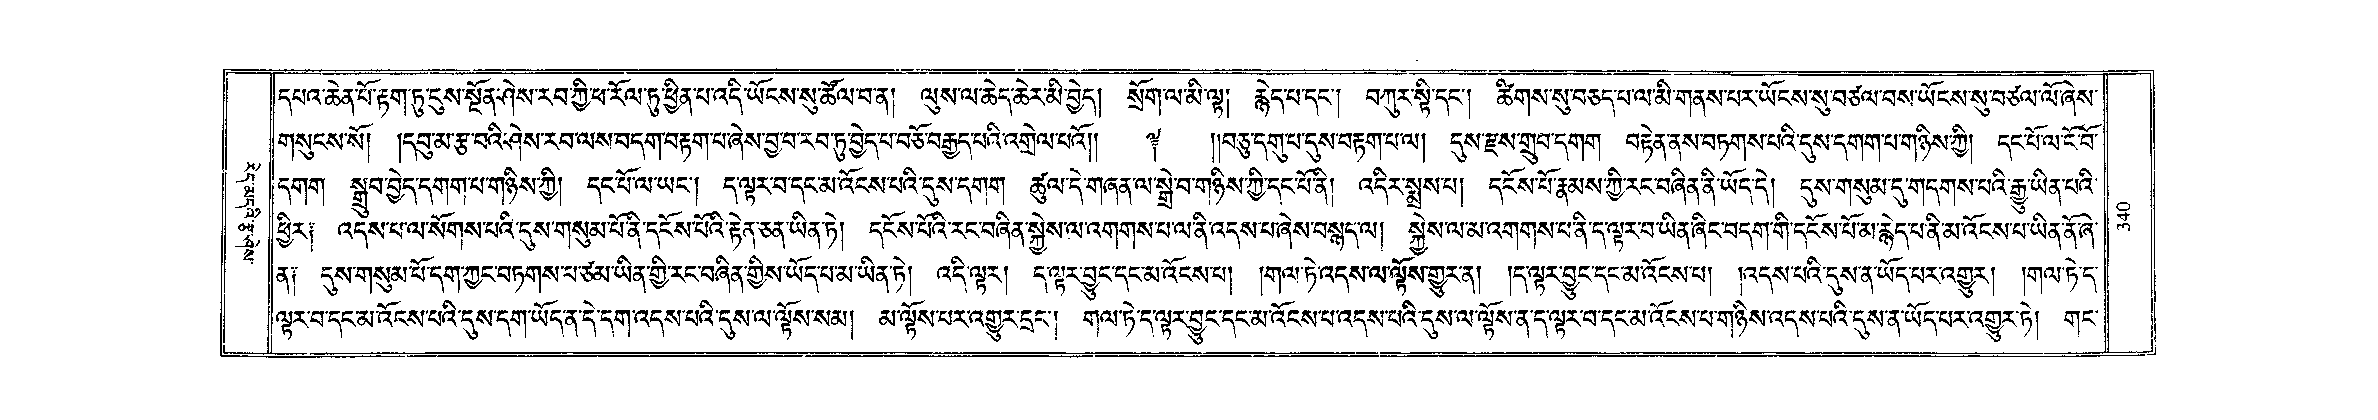དཔའ་ཆེན་པོ་རྟག་ཏུ་དུས་སྔོན་ཤེས་རབ་ཀྱི་ཕ་རོལ་ཏུ་ཕྱིན་པ་འདི་ཡོངས་སུ་ཚོལ་བ་ན། ལུས་ལ་ཆེད་ཆེར་མི་བྱེད། སྲོག་ལ་མི་ལྟ། རྙེད་པ་དང་། བཀུར་སྟི་དང་། ཚིགས་སུ་བཅད་པ་ལ་མི་གནས་པར་ཡོངས་སུ་བཙལ་བས་ཡོངས་སུ་བཙལ་ལོ་ཞེས་
གསུངས་སོ། །དབུ་མ་རྩ་བའི་ཤེས་རབ་ལས་བདག་བརྟག་པ་ཞེས་བྱ་བ་རབ་ཏུ་བྱེད་པ་བཅོ་བརྒྱད་པའི་འགྲེལ་པའོ།། ༈ །།བཅུ་དགུ་པ་དུས་བརྟག་པ་ལ། དུས་རྫས་གྲུབ་དགག་བརྟེན་ནས་བཏགས་པའི་དུས་དགག་པ་གཉིས་ཀྱི། དང་པོ་ལ་ངོ་བོ་
དགག་སྒྲུབ་བྱེད་དགག་པ་གཉིས་ཀྱི། དང་པོ་ལ་ཡང་། ད་ལྟར་བ་དང་མ་འོངས་པའི་དུས་དགག་ཚུལ་དེ་གཞན་ལ་སྒྲེ་བ་གཉིས་ཀྱི་དང་པོ་ནི། འདིར་སྨྲས་པ། དངོས་པོ་རྣམས་ཀྱི་རང་བཞིན་ནི་ཡོད་དེ། དུས་གསུམ་དུ་གདགས་པའི་རྒྱུ་ཡིན་པའི་
ཕྱིར༑ འདས་པ་ལ་སོགས་པའི་དུས་གསུམ་པོ་ནི་དངོས་པོའི་རྟེན་ཅན་ཡིན་ཏེ། དངོས་པོའི་རང་བཞིན་སྐྱེས་ལ་འགགས་པ་ལ་ནི་འདས་པ་ཞེས་བསྙད་ལ། སྐྱེས་ལ་མ་འགགས་པ་ནི་ད་ལྟར་བ་ཡིན་ཞིང་བདག་གི་དངོས་པོ་མ་རྙེད་པ་ནི་མ་འོངས་པ་ཡིན་ནོ་ཞེ་
ན༑ དུས་གསུམ་པོ་དག་ཀྱང་བཏགས་པ་ཙམ་ཡིན་གྱི་རང་བཞིན་གྱིས་ཡོད་པ་མ་ཡིན་ཏེ། འདི་ལྟར། ད་ལྟར་བྱུང་དང་མ་འོངས་པ། །གལ་ཏེ་འདས་ལ་ལྟོས་གྱུར་ན། །ད་ལྟར་བྱུང་དང་མ་འོངས་པ། །འདས་པའི་དུས་ན་ཡོད་པར་འགྱུར། །གལ་ཏེ་ད་
ལྟར་བ་དང་མ་འོངས་པའི་དུས་དག་ཡོད་ན་དེ་དག་འདས་པའི་དུས་ལ་ལྟོས་སམ། མ་ལྟོས་པར་འགྱུར་དྲང་། གལ་ཏེ་ད་ལྟར་བྱུང་དང་མ་འོངས་པ་འདས་པའི་དུས་ལ་ལྟོས་ན་ད་ལྟར་བ་དང་མ་འོངས་པ་གཉིས་འདས་པའི་དུས་ན་ཡོད་པར་འགྱུར་ཏེ། གང་